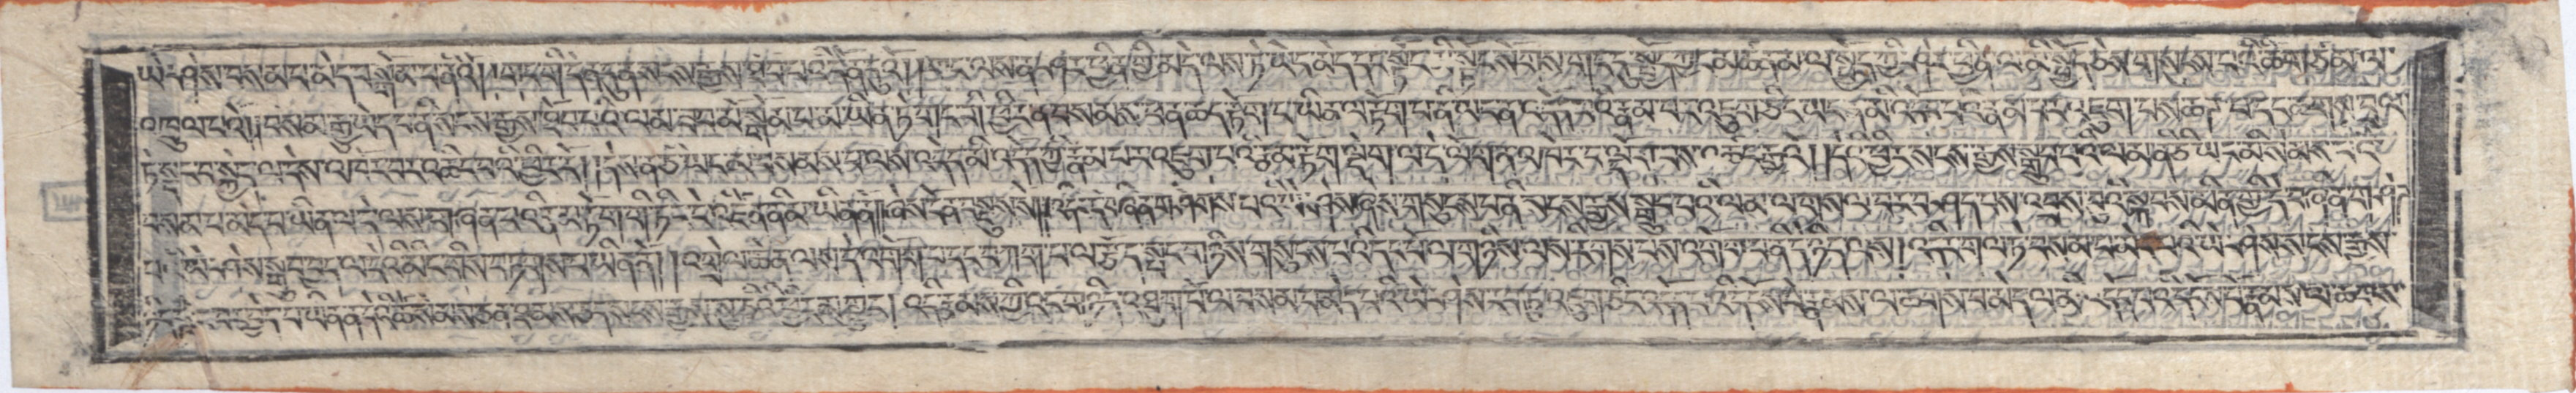ཡེ་ཤེས་བསམ་པ་མེད་པ་སྒོམ་པ་ནིའོ། །གང་གི་དོན་དུ་ན་སངས་རྒྱས་ཐོབ་པའི་དོན་དུའོ། །གང་ལས་ན་ཤེར་ཕྱིན་གྱི་མདོ་ལས་ཏེ་ཡོད་མེད་དང་སྟོང་མི་སྟོང་སོགས་གང་དུ་སྤྱོད་ཀྱང་མཚན་མ་ལ་སྤྱོད་ཀྱི་ཤེར་ཕྱིན་ལ་མི་སྤྱོད་ཅེས་གསུངས་པའི་ཚིག་ཙམ་ལ་
འཁྲུལ་པའོ། །བསམ་རྒྱུ་ཡོད་པ་ནི་སངས་རྒྱས་ཐོབ་པའི་ལམ་ཟབ་མོ་སྒོམ་པ་མ་ཡིན་ཏེ་གང་གི་ཕྱིར་ན་བསམས་ཕན་ཆད་རྟོག་པ་ཡིན་ལ་རྟོག་པ་ནི་ཡང་ན་འདོད་པའི་རྣམ་པར་འཇུག་ཅིང་ཡང་ན་མི་འདོད་པའི་རྣམ་པར་འཇུག་པས་ཆགས་པ་དང་ཆགས་བྲལ་
ཏེ་སྡང་བ་སྐྱེད་ལ་དེས་འཁོར་བར་འཆིང་བའི་ཕྱིར་རོ། །དེས་ན་ཅི་ཡང་མ་བསམས་པ་ལས་འདོད་མི་འདོད་ཀྱི་རྣམ་པར་འཇུག་པའི་རྣམ་རྟོག་ལྡེག་ལ་དེ་ལོག་ན་འཁོར་བ་ལྡོག་པས་འཚང་རྒྱའོ། །དེའི་ཕྱིར་སངས་རྒྱས་སྒྲུབ་པའི་ལམ་ནི་ཅི་ཡང་མི་སེམས་པའི་
བསམ་པ་མེད་པ་ཡིན་ལ་དེ་ལས་གཞན་པའི་རྣམ་རྟོག་གི་ཏིང་ངེ་འཛིན་ནི་མ་ཡིན་ནོ། །ཞེས་དོན་བསྡུས་སོ། །འདིར་དེ་བཞིན་གཤེགས་པའི་ཡེ་ཤེས་ཞེས་གསུངས་པ་ནི་སངས་རྒྱས་སྒྲུབ་པའི་ལམ་ལ་གསལ་བར་བཤད་པས་འབྲས་བུའི་སྐབས་མིན་གྱི་དེ་བཞིན་གཤེགས་
པའི་ཡེ་ཤེས་སྒྲུབ་བྱད་ལྔ་དེའི་མིང་གིས་བཏགས་པ་ཡིན་ནོ། །འགྲེལ་ཆེན་ལས་དེ་འགོག་པ་དང་བཀག་པ་ལ་རྩོད་སྤང་གཉིས་གསུངས་པའི་དང་པོ་ལ་གཉིས་ལས་རིགས་པས་འགོག་པ་ནི་དེ་ཉིད་ལས། འདིར་གལ་ཏེ་བསམ་པ་མེད་པའི་ཡེ་ཤེས་སངས་རྒྱས་
ཉིད་སྟེར་བར་བྱེད་པ་ཡིན་ན་དེའི་ཚེ་སེམས་ཅན་ཐམས་ཅད་སངས་རྒྱས་སུ་ཅིའི་ཕྱིར་མ་གྱུར། འདི་རྣམས་ཀྱི་འང་གཉིད་འཐུག་པོ་ལ་བསམ་པ་མེད་པའི་ཡེ་ཤེས་རབ་ཏུ་འཇུག་ཅིང་འདོད་པའི་དངོས་པོ་རྣམས་ལ་ཆགས་པ་མེད་ལ་མི་འདོད་པའི་དངོས་པོ་རྣམས་ལ་ཆགས་